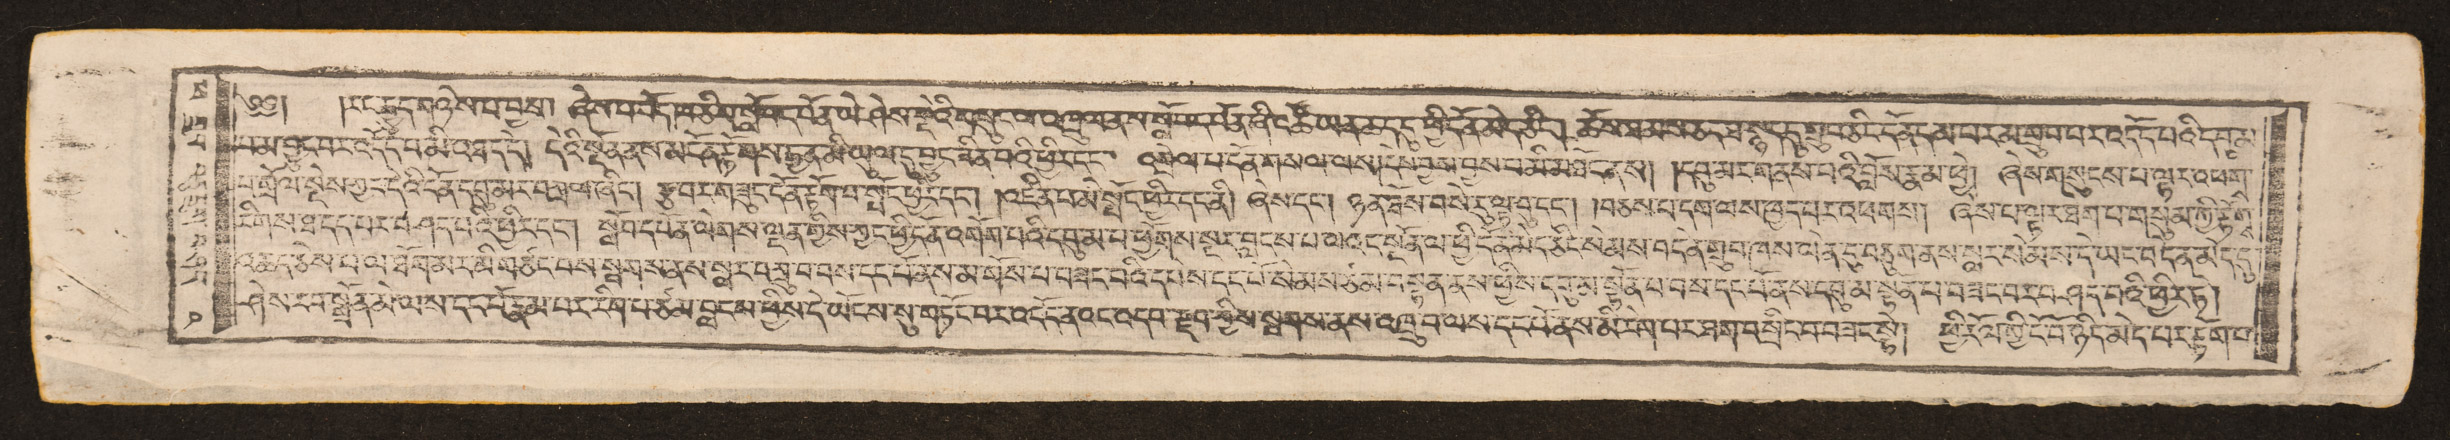༄༅། །རང་རྒྱུད་གཉིས་པ་བྱས། ཞེས་པ་བོང་ཁ་ཅིག་སློབ་དཔོན་ཡེ་ཤེས་སྡེའི་གསུང་ལ་འཁྲུལ་ནས་སློབ་དཔོན་ཞི་འཚོ་ཡན་ཆད་དུ་ཕྱི་དོན་མེད་ཅིང་། ཆོས་ཐམས་ཅད་ཐ་སྙད་དུ་གྲུབ་ཅིང་དོན་དམ་པར་མ་གྲུབ་པར་འདད་པའི་དབུ་མ།
པ་མ་བྱང་བར་འདོད་པ་མི་འཐད་དེ། དེའི་སྔེན་ནས་མངོན་རྟོགས་རྒྱན་མི་ཡུལ་དུ་བྱུང་ཟིན་པའི་ཕྱིར་དང་། འགེལ་པ་དོན་གསལ་ལས། དེས་བྱས་བྱས་བ་མི་མཐོང་ནས། །དབུ་མར་གནས་པའི་བློས་རྣམ་ཕྱེ། ཞེས་གསུངས་པ་ལྟར་འཕྲག་
བགྲོལ་སྡེས་ཀྱང་དེའི་དོན་དབུ་མར་བཀྲལ་ཞིང་། རྩ་བར་གཟུང་དོན་རྟོག་པ་སྤོང་ཕྱིར་དང་། །འཛིན་པ་མི་སྤོང་ཕྱིར་དང་ནི། ཞེས་དང་། ཉན་ཐོས་བསེ་རུ་ལྟ་བུ་དང་། །བཅས་པ་དག་ལས་ཁྱད་པར་འཕགས། ཞེས་པ་ལྟར་ཐེག་པ་གསུམ་གྱི་རྟོགས་
རིགས་ཐ་དད་པར་བཤད་པའི་ཕྱིར་དང་། སློབ་དཔོན་ལེགས་ལྡན་གྱིས་ཀྱང་ཕྱི་དོན་འགོག་པའི་དབུ་མ་བ་ཕྱོགས་སྔར་བླངས་པ་ལའང་སྔོན་ལ་ཕྱི་དོན་མེད་ཅིང་སེམས་བདེན་གྲུབ་ཁས་ལེན་དུ་བཅུག་ནས་སླར་སེམས་དེ་ཡང་བདེན་མེད་དུ་
འཆད་ཅེས་པ་ལ་ཐོག་མར་མི་གཙང་བས་སྤགས་ནས་བླར་བཀྲུབ་བས་དང་པོ་ནས་མགོས་པ་བཟང་བའི་དབེས་དང་པོ་སེམས་ཙམ་བསྟན་ནས་ཕྱིས་དབུ་མ་སྟོན་པ་པས་དང་པོ་ནས་དབུ་མ་སྟོན་པ་བཟང་བར་བཤད་པའི་ཕྱིར་ཏེ།
ཤེས་རབ་སྒྲེན་མེ་ལས་དང་པོ་རྣམ་པར་རིག་པ་ཙམ་བླངས་ཕྱིས་དེ་ཡོངས་སུ་གཏོང་བར་འདོད་ནའང་འདབ་རྫས་ཀྱིས་སྤགས་ནས་འཁྲུབ་ལས་དང་པོ་ནས་མི་རེག་པར་ཐག་བསྲིད་བ་བཟང་སྟེ། ཕྱི་རོལ་གྱི་ངོ་བོ་ཉིད་མེད་པར་རྟོག་པ་